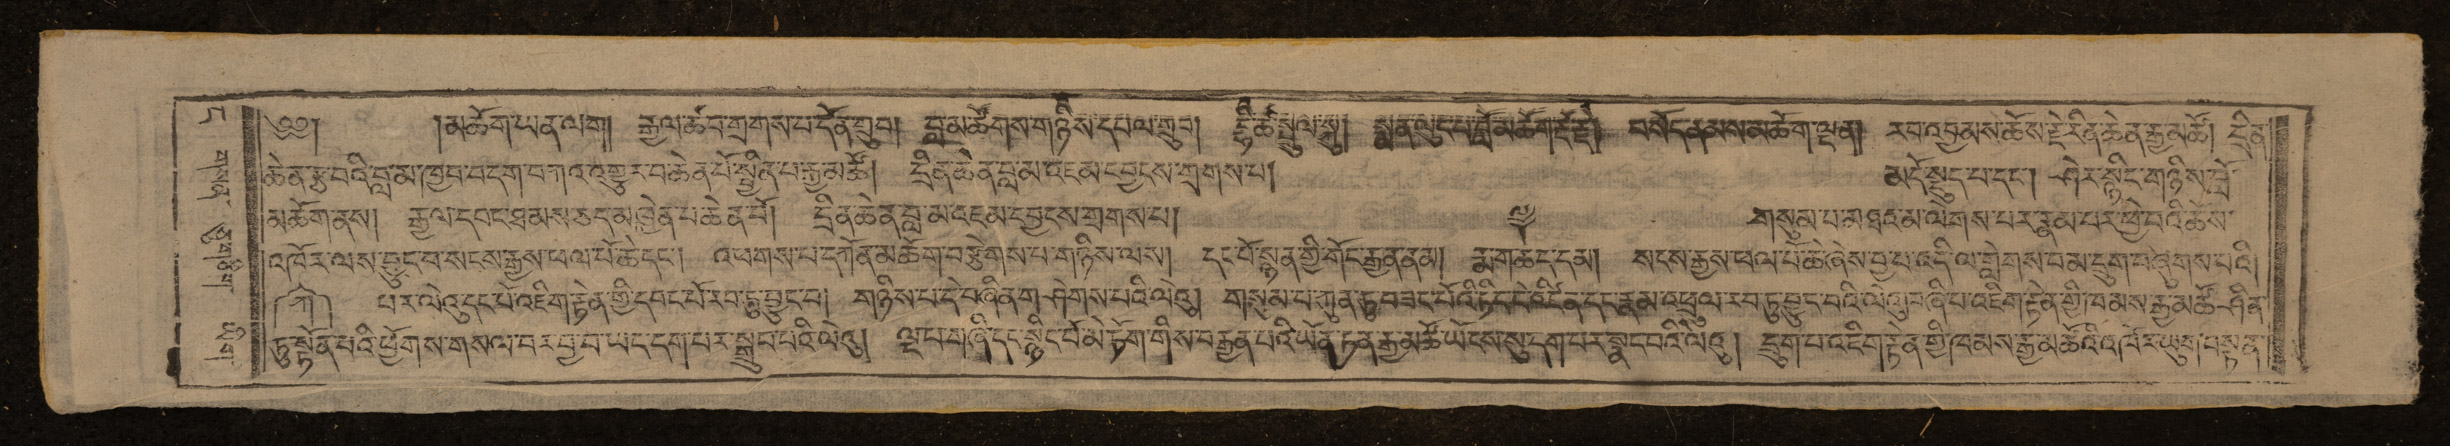༄༅། །མཆོག་ཡན་ལག། རྒྱལ་ཚབ་གྲགས་པ་དོན་གྲུབ། བླ་མ་ཚོགས་གཉིས་དཔལ་གྲུབ། དྷི་ཚ་སྦྲུལ་སྐུ། སྨན་ལུང་བ་བློ་མཆོག་རྡོ་རྗེ། བསོད་ནམས་མཆོག་ལྡན། རབ་འབྱམས་ཆོས་རྗེ་རིན་ཆེན་རྒྱ་མཚོ། དྲིན་
ཆེན་རྩ་བའི་བླ་མ་ཁྱབ་བདག་བཀའ་འགྱུར་བ་ཆེན་པོ་སྤྱིན་པ་རྒྱ་མཚོ། དྲིན་ཆེན་བླ་མ་འཇམ་དབྱངས་གྲགས་བ། མོད་སྡུད་པ་དང་། ཤེར་སྙིང་གཉིས་བློ་
མཆོག་ནས། རྒྱལ་དབང་ཐམས་ཅད་མཁྱེན་པ་ཆེན་པོ། དྲིན་ཆེན་བླ་མ་འཇམ་དབྱངས་གྲགས་པ། ༈ གསུམ་པ་མཐའ་མ་ལོགས་པར་རྣམ་པར་ཕྱེ་བའི་ཆོས་
འཁོར་ལས་བྱུང་བ་སངས་རྒྱས་ཕལ་ཁོ་ཆེ་དང་། འཕགས་པ་དཀོན་མཆོག་བརྩེགས་པ་གཉིས་ལས། དང་བོ་སྙན་གྱི་གོང་རྒྱན་ནམ། རྨག་ཆང་དམ། སངས་རྒྱས་ཕལ་བོ་ཆེ་ཞེས་བྱ་བ་འདི་ལ་གླེགས་བམ་དྲུག་བཞུགས་པའི།
{ཀ}་བར་ལེའུ་དང་བོ་འཇིག་རྟེན་གྱི་དབང་པོ་རབ་ཏུ་བྱུང་བ། གཉིས་པ་དེ་བཞིན་གཤེགས་པའི་ལེའུ། གསུམ་པ་ཀུན་ཏུ་བཟང་པོའི་ཏིང་ངེ་འཛིན་དང་རྣམ་འཕྲུལ་རབ་ཏུ་བྱུང་བའི་ལེའུ། བཞི་བ་འཇིག་རྟེན་གྱི་ཁམས་རྒྱ་མཚོ་ཤིན་
ཏུ་སྟོན་པའི་ཕྱོགས་གསལ་བར་བྱ་བ་ཡང་དག་པར་སྒྲུབ་བའི་ལེའུ། ལྔ་བ་གཞི་དང་སྙིང་པོ་མེ་ཏོག་གིས་བརྒྱན་པའི་ཡོན་ཏན་རྒྱ་མཚོ་ཡོངས་སུ་དག་པར་སྣང་བའི་ལེའུ། དྲུག་པ་འཇིག་རྟེན་གྱི་ཁམས་རྒྱ་མཚོའི་འཁོར་ཡུག་བསྟན་